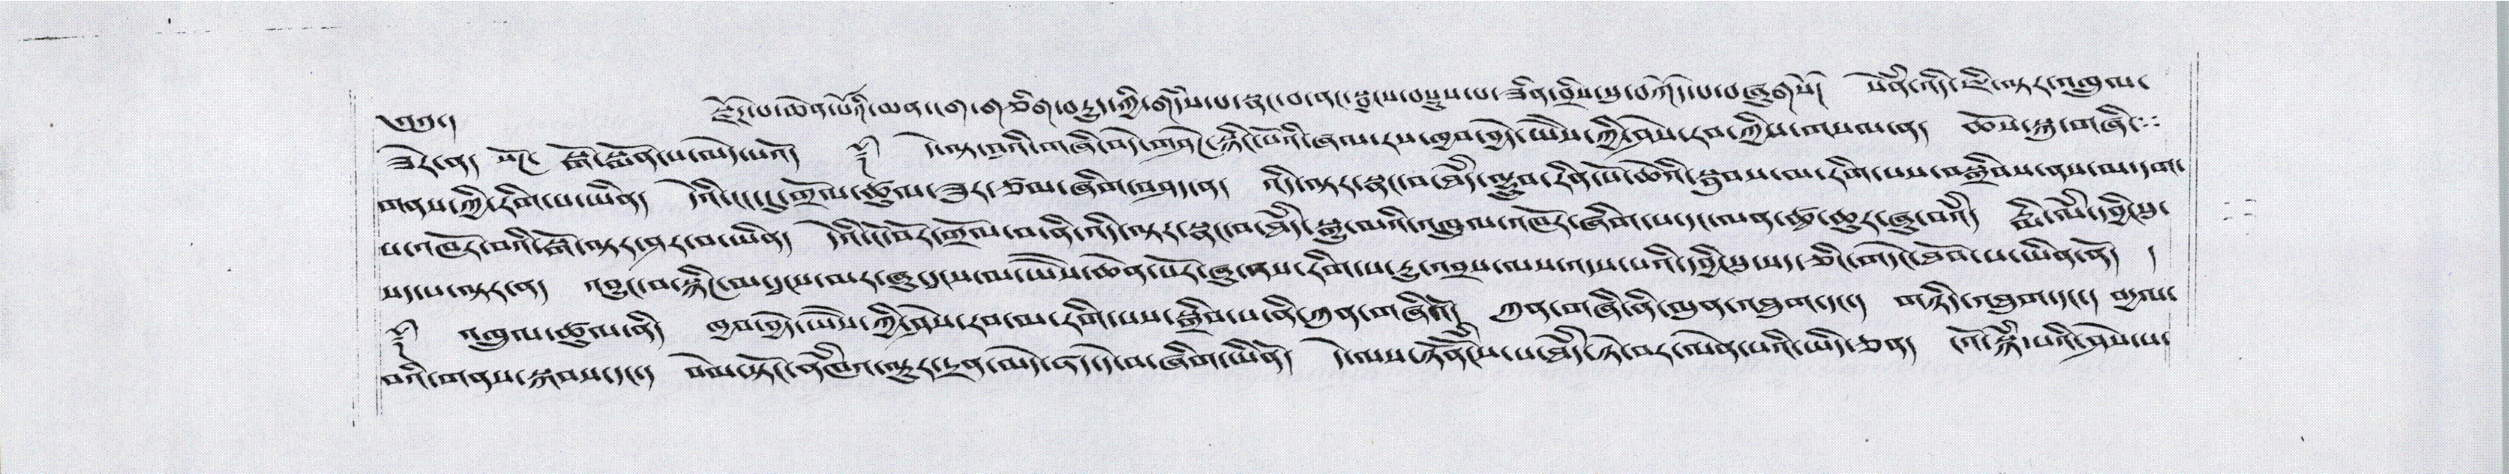རྫོགས་པ་ཆེན་པོའི་མན་ངག་གཅིག་རྒྱུད་ཀྱི་གདམས་ངག་སྣང་བ་ནང་སྦྱོང་བསྡུས་པ་ཟིན་བྲིས་སུ་བཀོད་པ་བཞུགས་སོ། སེམས་ཅན་འདི་ཇི་ལྟར་འཁྲུལ་
ཟེར་ན། སོགས། སྒོ་སྨོན་པ་མེད་པའོ། ༧ དེ་ལྟ་བུའི་གཞི་བདེར་གཤེགས་སྙིང་པོའི་ཞལ་རས་ཁྱབ་བྱེད་ཡེ་ཤེས་ཀྱི་ཤེས་རབ་ཀྱིས་གསལ་ན། ཆོས་སྐུ་གཞིར་
གནས་ཀྱི་རིག་པ་ཡིན། དེའི་ངང་དུ་གྲོལ་ཚུལ་ཟུར་ཙམ་ཞིག་བཤད་ན། འདི་ལྟར་གྱི་སྣང་བ་ཐམས་ཅད་ལྷུན་གྲུབ་རིན་པོ་ཆེའི་སྦུབས་མ་རིག་པས་བསྒྲིབས་ནས་མ་དག་
པ་འཁོར་བའི་སྒོ་ལྟར་ཤར་བ་ཡིན། དེའི་ངོ་བོར་གྲོལ་བ་ནི་འདི་ལྟར་སྣང་བ་ཐམས་ཅད་སྒྱུ་མའི་འཁྲུལ་འཁོར་ཞིག་པ་དང་ལན་ཚྭ་ཆུར་ཞུ་བའམ། རྨི་ལམ་དབྱིངས་སུ་
སད་པ་ལྟར་ན། འབྱུང་བ་སྙིགས་མ་དྭངས་མར་ཞུ། དྭངས་མ་ཡེ་ཤེས་ཆེན་པོར་ཞུ་ནས་རིག་པ་རྒྱུ་འབྲས་ལས་འདས་པའི་དབྱིངས་སུ་སད་ཅིང་གདེང་ཐོབ་པ་ཡིན་ནོ། །
༧ འཁྲུལ་ཚུལ་ནི། ཁྱབ་བྱེད་ཡེ་ཤེས་ཀྱི་ཤེས་རབ་མ་རིག་པས་བསྒྲིབས་པ་ནི་ཀུན་གཞིའོ། ཀུན་གཞི་ནི་མུན་འཐུག་དང་གཉིད་འཐུག་དང་། བརྒྱལ་
བའི་གནས་སྐབས་དང་། བེམ་སྟོང་ནམ་མཁའ་ལྟ་བུར་དྲན་མེད་ཧད་དེ་བ་ཞིག་ཡིན་ནོ། དེ་ལས་ཉོན་མོངས་པ་ཐམས་ཅད་ཉེ་བར་ལེན་པའི་ཡིད་ཅན། ངའོ་སྙམ་པའི་ཤེས་པ་